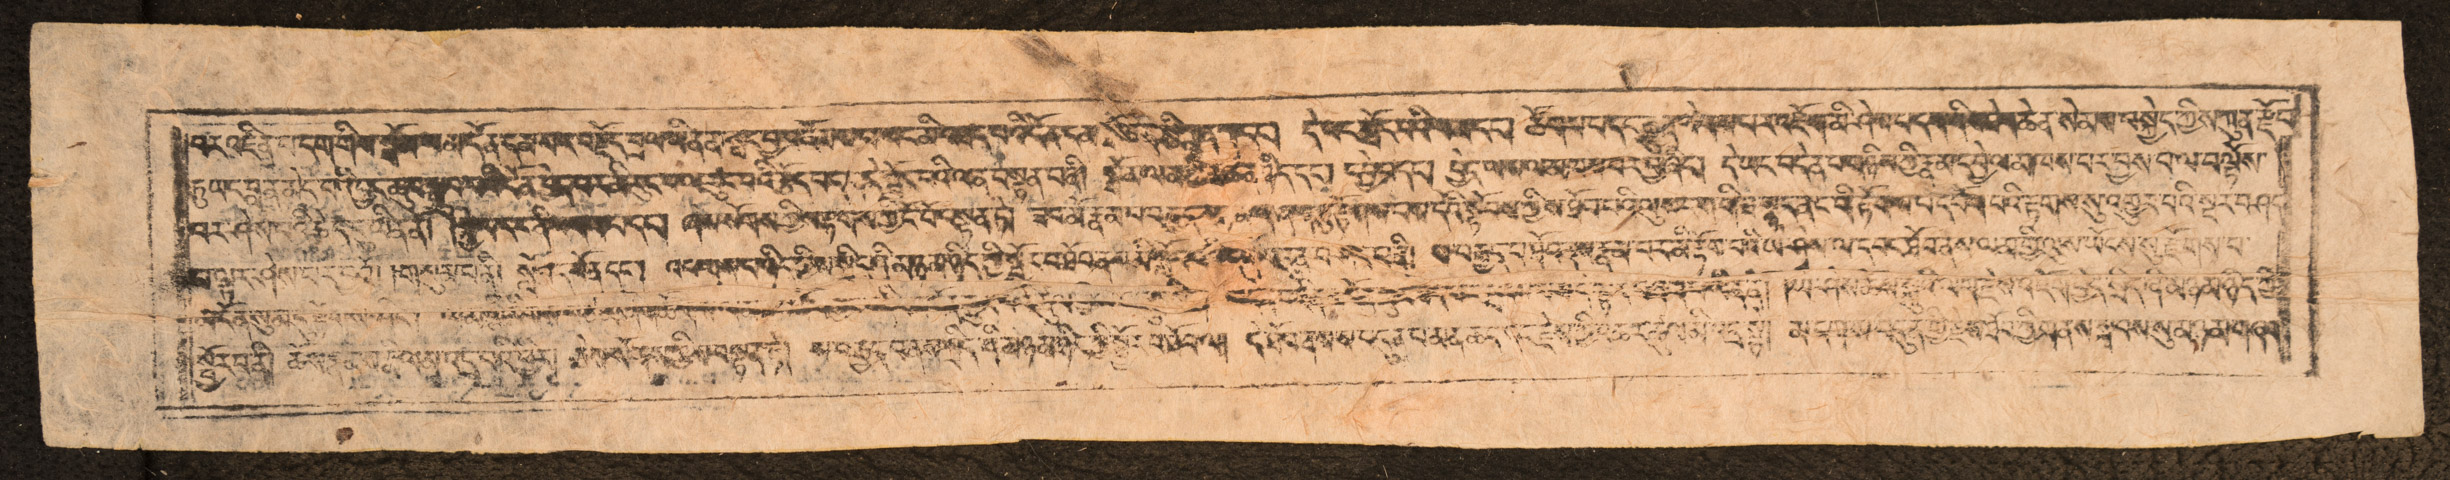བར་འཛིན་པ་དག་གིས་སྒོམ་ལམ་དོན་དམ་པར་བརྗོད་བྲལ་ཡིན་ན་སྤང་བྱ་འཇོམས་པ་ཡང་མི་འཐད་པའི་དོན་དམ་སྒོ་ཅན་གྱི་ཀླན་ཀ་དང་། དེ་ཡང་སྤོང་བའི་ལམ་དང་། ཚོགས་པ་དང་རྒྱུན་ལེགས་པར་འཇོག་མི་ཤེས་པ་དག་གིས་ཐེག་ཆེན་སེམས་བསྐྱེད་ཀྱིས་ཀུན་རྫོབ་
ཏུ་ཡང་བླ་ན་མེད་པའི་བྱང་ཆུབ་སྒྲུབ་པའི་དོན་བྱེད་པར་མི་རུང་བ་ལ་རུང་བའི་རྩོད་པ་དང་། དེ་སྤོང་བའི་ལན་བསྟན་པ་ནི། སྒོམ་ལམ་གྱི་མཚན་ཉིད་དང་། དབྱེ་བ་དང་། བྱེད་ལས་ལ་མཁས་པར་བྱ་ཞིང་། དེ་ཡང་བདེན་པ་གཉིས་ཀྱི་རྣམ་དབྱེ་ལ་མཁས་པར་བྱས་པ་ལ་བལྟོས་
པར་ཤེས་པའི་ཆེད་དུ་ཡིན་ནོ། །སྐྱེ་བ་དང་ནི་འགག་པ་དང་། ཞེས་སོགས་ཀྱིས་རྟགས་ཀྱི་ངོ་བོ་བསྟན་ཏེ། ཟབ་མོ་རྣམ་པ་བརྒྱད་མཉམ་གཞག་ཏུ་རྟོགས་པས་དེའི་སྟོབས་ཀྱིས་ཐོབ་པའི་ལུས་ངག་གི་ཐ་སྙད་ནང་གི་རྟོགས་པ་དཔོག་པའི་རྟགས་སུ་འགྱུར་བའི་སྔར་བཤད་
པ་ལྟར་ཤེས་པར་བྱའོ། །གསུམ་པ་ནི། སློབ་དཔོན་དང་། འཕགས་པ་ཉིད་ཀྱིས་སྲིད་ཞི་མཉམ་ཉིད་ཀྱི་སྦྱོར་བ་ཐོབ་ནས་མི་སློབ་པའི་དགེ་འདུན་བཤད་པ་ནི། ས་བརྒྱད་པ་ཐོབ་ནས་རྣམ་པར་མི་རྟོག་པའི་ཡེ་ཤེས་ལ་དབང་ཐོབ་ནས་ལམ་གྱི་ལུས་ཡོངས་སུ་རྫོགས་པ་
མངོན་སུམ་དུ་རྟོགས་ཤིང་། ལམ་གྱི་རིགས་པ་ཙམ་ཞིག་ཚོགས་ལམ་ནས་ཐོབ་ཀྱང་འདིར་མངོན་གྱུར་པའི་ཚུལ་གྱིས་འཇུག་ཅིང་། བདེན་འཛིན་མངོན་གྱུར་ཟད་པར་སྤངས་པས་དེ་ལྟར་བཞག་པ་ཡིན་ནོ། །ཡེ་ཤེས་ཆོས་སྐུའི་ལག་རྗེས་འཇོག་བྱེད་སྲིད་ཞི་མཉམ་ཉིད་ཀྱི་
སྦྱོར་བ་ནི། ཆོས་རྣམས་རྨི་ལམ་འདྲ་བའི་ཕྱིར། ཅེས་སོགས་ཀྱིས་བསྟན་ཏེ། ས་བརྒྱད་པ་ནས་སྲིད་ཞི་མཉམ་ཉིད་ཀྱི་སྦྱོར་བ་ཐོབ་ལ། དེ་ཐོབ་ནས་ས་བདུན་པ་མན་ཆད་དང་རྗེས་ཀྱི་འཆར་ཚུལ་མི་འདྲ་སྟེ། མ་དག་ས་བདུན་གྱི་རྗེས་ཐོབ་ཀྱི་གནས་སྐབས་སུ་མཉམ་གཞག་